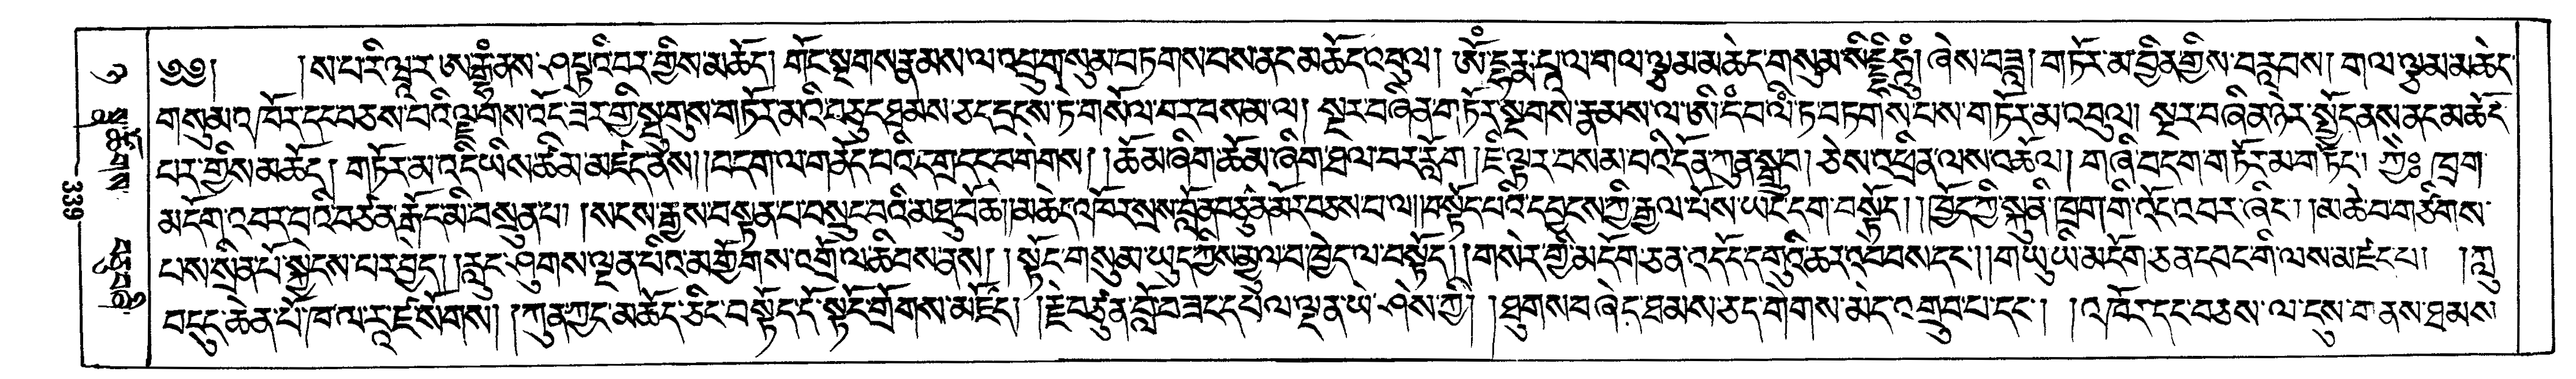༄༅། །ས་པ་རི་ཝཱ་ར་ཨརྒྷཾ་ནས་ཤཔྟའི་བར་གྱིས་མཆོད། གོང་སྔགས་རྣམས་ལ་འབྲུ་གསུམ་བཏགས་པས་ནང་མཆོད་འབུལ། ཨོཾ་དྷརྨ་པཱ་ལ་གལ་ལྕམ་མཆེད་གསུམ་སིདྡྷི་ཧཱུཾ་ཞེས་བཟླ། གཏོར་མ་བྱིན་གྱིས་བརླབས། གལ་ལྕམ་མཆེད་
གསུམ་འཁོར་དང་བཅས་པའི་ལྗགས་འོད་ཟེར་གྱི་སྦུ་གུས་གཏོར་མའི་བཅུད་ཐམས་ཅད་དྲངས་ཏེ་གསོལ་བར་བསམ་ལ། སྔར་བཞིན་གཏོར་སྔགས་རྣམས་ལ་ཨི་དཾ་བཱ་ལིཾ་ཏ་བཏགས་པས་གཏོར་མ་འབུལ། སྔར་བཞིན་ཉེར་སྤྱོད་ནས་ནང་མཆོད་
བར་གྱིས་མཆོད། གཏོར་མ་འདི་ཡིས་ཚིམ་མཛད་ནས། །བདག་ལ་གནོད་པའི་དགྲ་དང་བགེགས། །ཆོམ་ཞིག་ཆོམ་ཞིག་ཐལ་བར་རློག །ཇི་ལྟར་བསམ་པའི་དོན་ཀུན་སྒྲུབ། ཅེས་འཕྲིན་ལས་འཆོལ། གཞི་བདག་གཏོར་མ་གཏོང་། ཀྱཻཿ ཁྲག་
མདོག་འབར་བའི་བཙན་རྒོད་མི་བསྲུན་པ། །སངས་རྒྱས་བསྟན་པ་བསྲུང་བའི་མཐུ་བོ་ཆེ། །མཆེད་འཁོར་སྲས་བློན་བཙུན་མོར་བཅས་པ་ལ། །བསྟོད་པའི་དབྱངས་ཀྱི་རྒྱལ་པོས་ཡང་དག་བསྟོད། །ཁྱོད་ཀྱི་སྐུ་ནི་ཁྲག་གི་འོད་འབར་ཞིང་། །མཆེ་བ་གཙིགས་
པས་སྲིན་པོ་སྐྱེངས་པར་བྱེད། །རླུང་ཤུགས་ལྡན་པའི་མགྱོགས་འགྲོ་ལ་ཆིབས་ནས། །སྟོང་གསུམ་ཡུད་ཀྱིས་མྱུལ་བ་ཁྱོད་ལ་བསྟོད། །གསེར་གྱི་མདོག་ཅན་འདོད་དགུའི་ཆར་འབེབས་དང་། །གཡུ་ཡི་མདོག་ཅན་དབང་གི་ལས་མཛད་པ། །ཀླུ་
བདུད་ཆེན་པོ་ཁ་ལ་རཱ་ཛ་སོགས། །ཀུན་ཀྱང་མཆོད་ཅིང་བསྟོད་དོ་སྟོང་གྲོགས་མཛོད། །རྗེ་བཙུན་བློ་བཟང་དཔལ་ལྡན་ཡེ་ཤེས་ཀྱི། །ཐུགས་བཞེད་ཐམས་ཅད་གེགས་མེད་འགྲུབ་པ་དང་། །འཁོར་དང་བཅས་ལ་དུས་གནས་ཐམས་